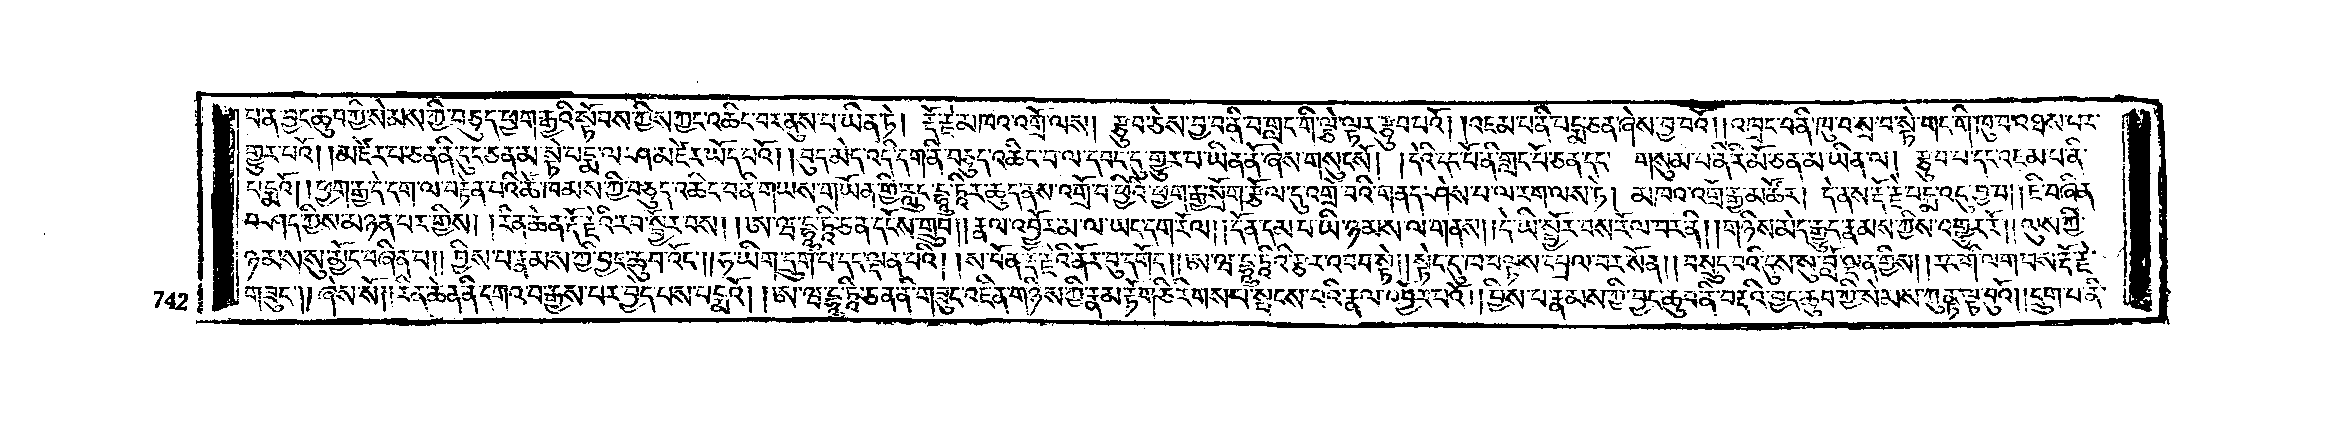པ་ན་བྱང་ཆུབ་ཀྱི་སེམས་ཀྱི་བཅུད་ཕྱག་རྒྱའི་སྟོབས་ཀྱིས་ཀྱང་འཆིང་བར་ནུས་པ་ཡིན་ཏེ། རྡོ་རྗེ་མཁའ་འགྲོ་ལས། རྩུབ་ཅེས་བྱ་བ་ནི་བ་གླང་གི་ལྕེ་ལྟར་རྩུབ་པའོ། །འཇམ་པ་ནི་པདམ་ཅན་ཞེས་བྱ་བའོ། །འཁྲང་བ་ནི་ཁུ་བ་སྲ་བ་སྟེ་གང་གི་ཁུ་བ་འཐས་པར་
གྱུར་པའོ། །མཛེར་པ་ཅན་ནི་དུང་ཅན་མ་སྟེ་པདམ་ལ་ཤ་མཛེར་ཡོད་པའོ། །བུད་མེད་འདི་དག་ནི་བཅུད་འཆིང་བ་ལ་དབང་དུ་གྱུར་པ་ཡིན་ནོ་ཞེས་གསུངས་སོ། །དེའི་དང་པོ་ནི་གླང་པོ་ཅན་དང་། གསུམ་པ་ནི་རི་མོ་ཅན་མ་ཡིན་ལ། རྩུབ་པ་དང་འཇམ་པ་ནི་
པདམའོ། །ཕྱག་རྒྱ་དེ་དག་ལ་བརྟེན་པའི་ཚེ་ཁམས་ཀྱི་བཅུད་འཆིང་བ་ནི་གཡས་གཡོན་གྱི་རླུང་དྷཱུ་ཏཱིར་ཆུད་ནས་འགྲོ་བ་ཕྱིའི་ཕྱག་རྒྱ་སྲོག་རྩོལ་དུ་འགྲོ་བའི་གནད་ཤེས་པ་ལ་རག་ལས་ཏེ། མཁའ་འགྲོ་རྒྱ་མཚོར། དེ་ནས་རྡོ་རྗེ་པདམ་འདུ་བྱ་བ། །ཇི་བཞིན་
བཤད་ཀྱིས་མཉན་པར་གྱིས། །རིན་ཆེན་རྡོ་རྗེའི་རབ་སྦྱོར་བས། །ཨ་ཝ་དྷཱུ་ཏཱི་ཅན་དངོས་གྲུབ། །རྣལ་འབྱོར་མ་ལ་ཡང་དག་རོལ། །དོན་དམ་པ་ཡི་ཉམས་ལ་གནས། །དེ་ཡི་སྦྱོར་བས་རོལ་བར་ནི། །གཉིས་མེད་རྒྱུད་རྣམས་ཀྱིས་འགྱུར་རོ། །ལུས་ཀྱི་
ཉམས་སུ་མྱོང་བཞིན་པ། །བྱིས་པ་རྣམས་ཀྱི་བྱང་ཆུབ་འོང་། །ཧ་ཡིག་དྲུག་པ་དང་ལྡན་པའི། །ས་བོན་རྡོ་རྗེའི་ནོར་བུ་དགོད། །ཨ་ཝ་དྷཱུ་ཏཱིའི་རྩར་འབབ་སྟེ། །སྟེང་དུ་ཁ་བལྟས་དཔྲལ་བར་སོན། །བསྲུང་བའི་དུས་སུ་བློ་ལྡན་གྱིས། །རང་གི་ལག་པས་རྡོ་རྗེ་
གཟུང་། །ཞེས་སོ། །རིན་ཆེན་ནི་དགའ་བ་རྒྱས་པར་བྱེད་པས་པདམོ། །ཨ་ཝ་དྷཱུ་ཏཱི་ཅན་ནི་གཟུང་འཛིན་གཉིས་ཀྱི་རྣམ་རྟོག་ཅི་རིགས་པ་སྤངས་པའི་རྣལ་འབྱོར་པའོ། །བྱིས་པ་རྣམས་ཀྱི་བྱང་ཆུབ་ནི་བརྡའི་བྱང་ཆུབ་ཀྱི་སེམས་ཀུནྟ་ལྟ་བུའོ། །དྲུག་པ་ནི་